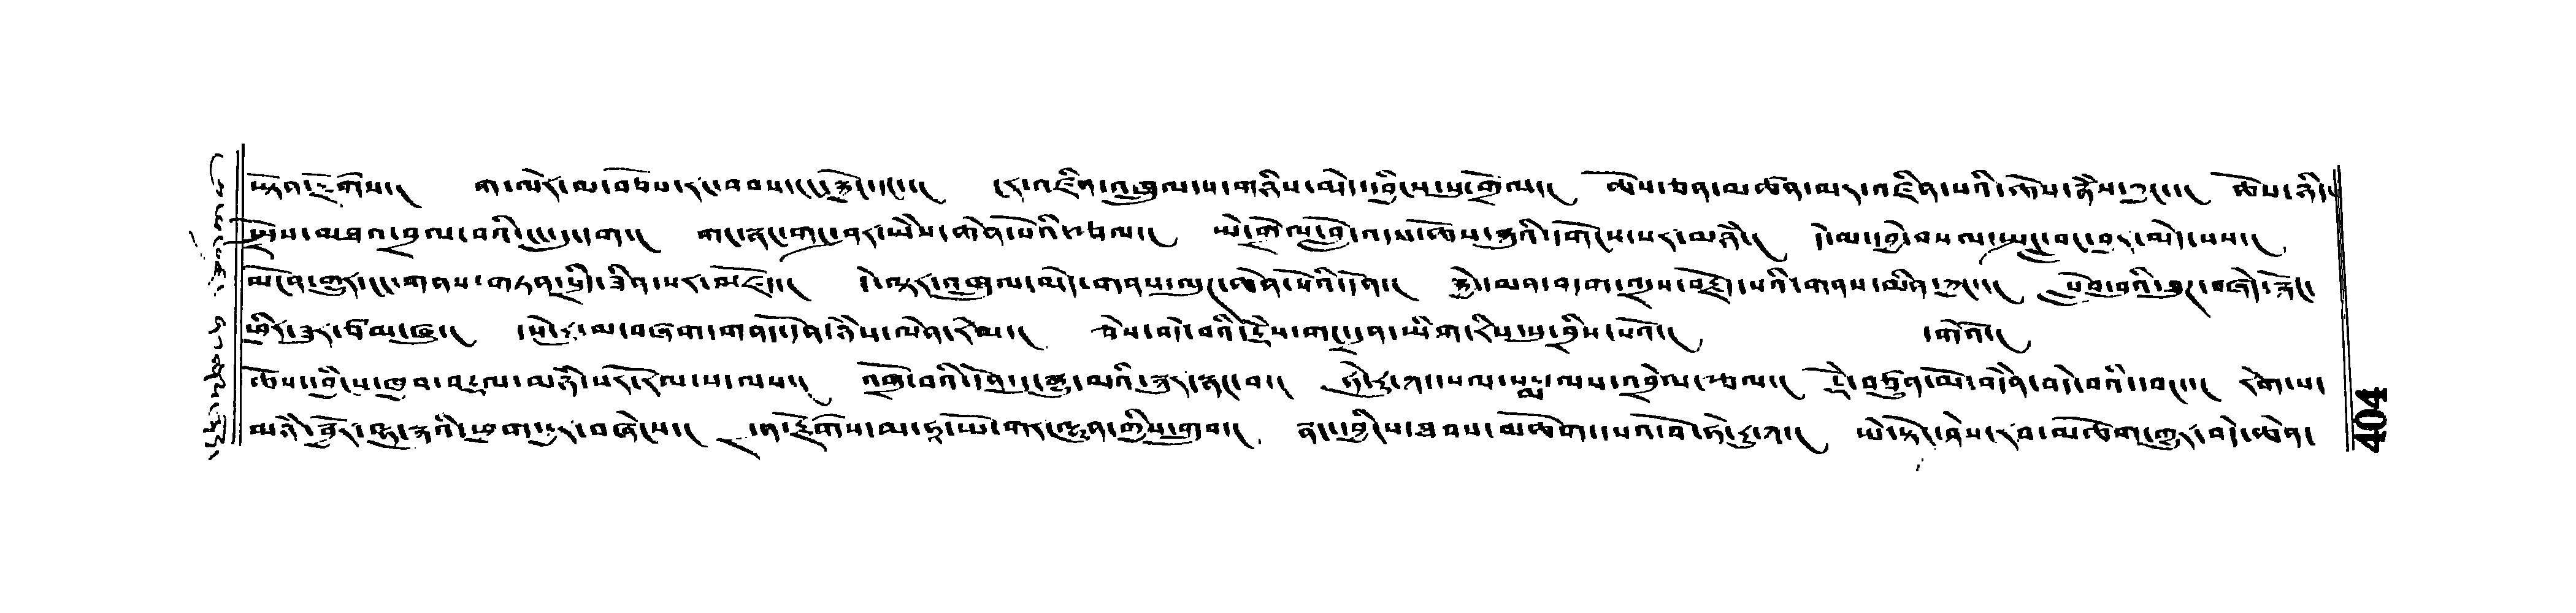ཡོན་ཏན་རྫོགས། །ག་ལེར་མ་བཅོས་རང་བབས་ངང་སྐྱོངས་དང་། །ངར་འཛིན་འཁྲུལ་པ་གཉིས་མེད་དབྱིངས་སུ་གྲོལ། །ཆོས་ཅན་མཚན་མར་འཛིན་པའི་ཆོས་རྣམས་ཀྱང་། །ཆོས་ཉིད་
སྤྲོས་མཐའ་བྲལ་བའི་ངང་དུ་དག །གང་སྣང་གང་ཤར་ཡེ་ཤེས་ཆེན་པོའི་རྩལ། །ཡེ་གྲོལ་བློ་འདས་ཆོས་སྐུའི་དགོངས་པར་མཉམ། །དེ་ལ་དབྱེ་བསལ་སྤང་བླང་བྱར་མེད་པས། །
མངོན་གྱུར་ངང་གནས་གཏན་སྲིད་ཟིན་པར་མཛོད། །དེ་ལྟར་འཁྲུལ་མེད་གནས་ལུགས་ཆེན་པོའི་དོན། །སྐྱེ་དམན་བདག་འདྲས་བརྗོད་པའི་གནས་མིན་ཀྱང་། །སློབ་བུའི་ཐུགས་བཞེད་སྐོང་
ཕྱིར་ཟུར་ཙམ་ཞུ། །དཔེ་རུ་མ་བཞག་གནད་དོན་ཉམས་ལེན་རེམ། ཅེས་བདེ་བའི་རྡོ་རྗེས་གང་དྲན་ཡིག་རིས་སུ་བྲིས་པའོ།། དགེའོ།། 
ཆོས་དབྱིངས་ཁྱབ་བརྡལ་མཉམ་པར་རོལ་པ་ལས། །འགྲོ་བའི་དོན་དུ་སྒྱུ་མའི་སྐུར་སྣང་བ། །ཧེ་རུ་ཀ་དཔལ་པདྨ་ལས་འབྲེལ་རྩལ། །རྡོ་རྗེ་བཙུན་མོ་བདེ་ཆེན་བདེ་བའི་དབང་། །རེག་པ་
མཉམ་སྦྱོར་ལྷ་སྐུའི་ཕྱག་རྒྱར་བཞེངས། །དྲན་རྫོགས་མ་ཧཱ་ཡོ་གར་ལྷུན་གྱིས་གྲུབ། །སྣང་དབྱིངས་ཐབས་མཆོག་དཔའ་བོ་ཧེ་རུ་ཀ །ཡེ་སྟོང་ཤེས་རབ་མཆོག་གྱུར་བདེ་ཆེན་